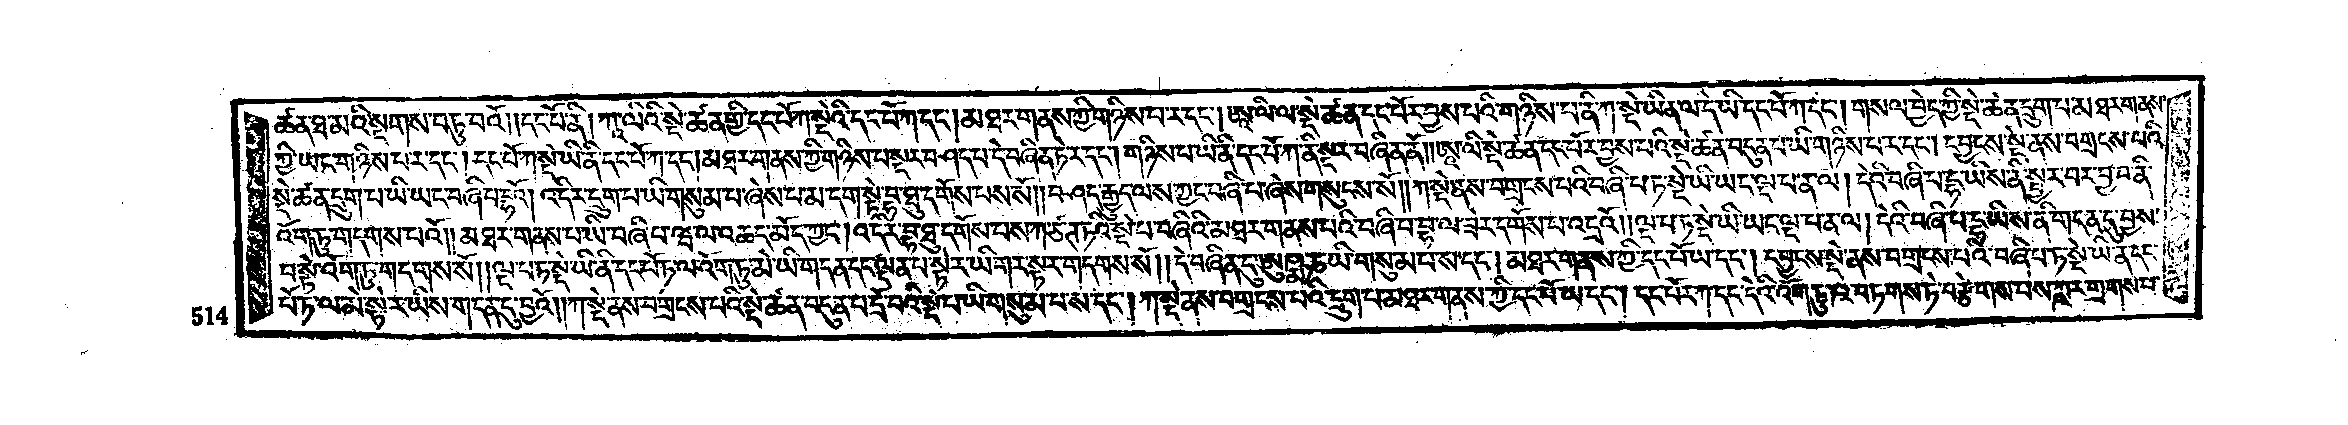ཚན་ཐ་མའི་སྔགས་བཏུ་བའོ། །དང་པོ་ནི། ཀཱ་ལིའི་སྡེ་ཚན་གྱི་དང་པོ་ཀ་སྡེའི་དང་པོ་ཀ་དང་། མཐར་གནས་ཀྱི་གཉིས་པ་ར་དང་། ཨཱ་ལི་ལ་སྡེ་ཚན་དང་པོར་བྱས་པའི་གཉིས་པ་ནི་ཀ་སྡེ་ཡིན་ལ་དེ་ཡི་དང་པོ་ཀ་དང་། གསལ་བྱེད་ཀྱི་སྡེ་ཚན་དྲུག་པ་མཐར་གནས་
ཀྱི་ཡང་གཉིས་པ་ར་དང་། དང་པོ་ཀ་སྡེ་ཡི་ནི་དང་པོ་ཀ་དང་། མཐར་གནས་ཀྱི་གཉིས་པ་སྔར་བཤད་པ་དེ་བཞིན་ཏེར་དང་། གཉིས་པ་ཡི་ནི་དང་པོ་ཀ་ནི་སྔར་བཞིན་ནོ། །ཨཱ་ལི་སྡེ་ཚན་དང་པོར་བྱས་པའི་སྡེ་ཚན་བདུན་པ་ཡི་གཉིས་པ་ར་དང་། དབྱངས་སྡེ་ནས་བགྲངས་པའི་
སྡེ་ཚན་དྲུག་པ་ཡི་ཡང་བཞི་པ་བྷའོ། འདིར་དྲུག་པ་ཡི་གསུམ་པ་ཞེས་པ་མ་དག་སྟེ་བྷ་ཐུ་དགོས་པས་སོ། །བཤད་རྒྱུད་ལས་ཀྱང་བཞི་པ་ཞེས་གསུངས་སོ། །ཀ་སྡེ་ནས་བགྲངས་པའི་བཞི་པ་ཏ་སྡེ་ཡི་ཡང་ལྔ་པ་ན་ལ། དེའི་བཞི་པ་དྷ་ཡིས་ནི་སྦྱར་བར་བྱ་བ་ནི་
འོག་ཏུ་གདགས་པའོ། །མཐར་གནས་པ་ཡི་བཞི་པ་ཝ་ལ་འཆད་མོད་ཀྱང་། འདིར་བྷ་ཐུ་དགོས་པས་ཀ་ཙ་ཊ་ཏའི་སྡེ་པ་བཞིའི་མཐར་གནས་པའི་བཞི་པ་བྷ་ལ་ཟེར་དགོས་པ་འདྲའོ། །ལྔ་པ་ཏ་སྡེ་ཡི་ཡང་ལྔ་པ་ན་ལ། དེའི་བཞི་པ་དྷ་ཡིས་ནི་གདན་དུ་བྱས་
པ་སྟེ་འོག་ཏུ་གདགས་སོ། །ལྔ་པ་ཏ་སྡེ་ཡི་ནི་དང་པོ་ཏ་ལ་འོག་ཏུ་མེ་ཡི་གདན་དང་ལྡན་པ་སྟེ་ར་ཡིག་ར་སྟར་གདགས་སོ། །དེ་བཞིན་དུ་ཨུཥྨ་ཎ་ཡི་གསུམ་པ་ས་དང་། མཐར་གནས་ཀྱི་དང་པོ་ཡ་དང་། དབྱངས་སྡེ་ནས་བགྲངས་པའི་བཞི་པ་ཏ་སྡེ་ཡི་ནི་དང་
པོ་ཏ་ལ་མེ་སྟེ་ར་ཡིས་གདན་དུ་བྱའོ། །ཀ་སྡེ་ནས་བགྲངས་པའི་སྡེ་ཚན་བདུན་པ་དྲོ་བའི་སྡེ་པ་ཡི་གསུམ་པ་ས་དང་། ཀ་སྡེ་ནས་བགྲངས་པའི་དྲུག་པ་མཐར་གནས་ཀྱི་དང་པོ་ཡ་དང་། དང་པོར་ཀ་དང་དེའི་འོག་ཏུ་ཥ་བཏགས་ཏེ་བརྩེགས་པས་ཀྵ་ར་གྲགས་པ་